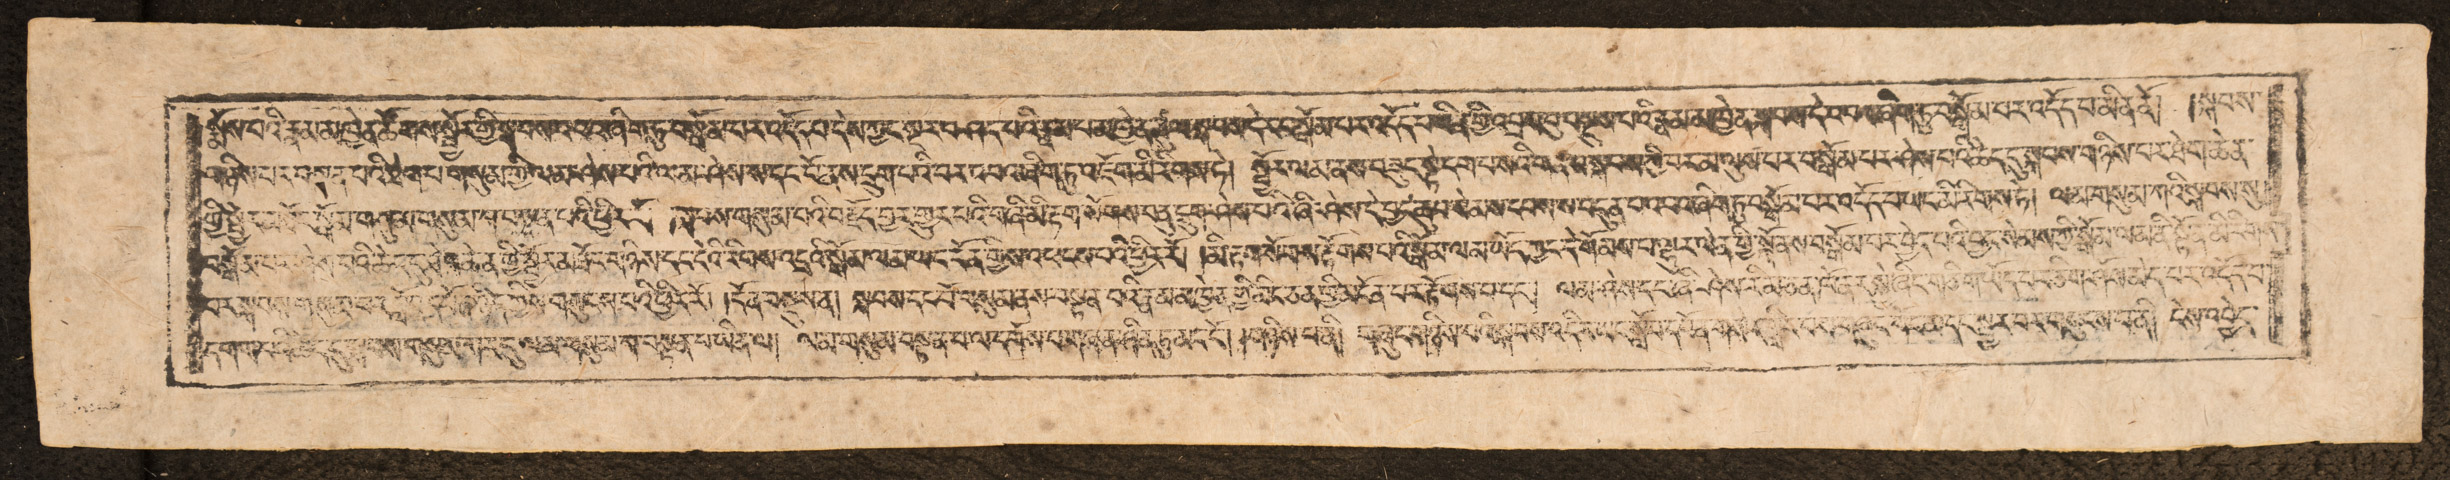སྨོས་པའི་རྣམ་མཁྱེན་ཚོགས་སྦྱོར་གྱི་སྐབས་འབའ་ཞིག་ཏུ་བསྒོམ་པར་འདོད་པ་དེས་ཀྱང་སྔར་བཤད་པའི་རྣམ་པ་མཁྱེན་ཚུལ་སྐབས་དེར་བསྒོམ་པར་འདོད་པ་ཡིན་གྱི་འབྲས་བུ་བསྡུས་པའི་རྣམ་མཁྱེན་སྐབས་དེ་འབའ་ཞིག་ཏུ་བསྒོམ་པར་འདོད་པ་མིན་ནོ། །སྐབས་
གཉིས་པར་བསྟན་པའི་ཐེག་པ་གསུམ་གྱི་ལམ་ཤེས་པའི་ལམ་ཤེས་ས་དང་པོ་ནས་དྲུག་པའི་བར་འབའ་ཞིག་ཏུ་འཇོག་མི་རིགས་ཏེ། སྦྱོར་ལམ་ནས་བཟུང་སྟེ་དག་པ་སའི་གནས་སྐབས་ཀྱི་བར་མ་ལུས་པར་བསྒོམ་པར་ཤེས་པའི་ཆེད་དུ་སྐབས་གཉིས་པར་ཐེག་ཆེན་
གྱི་སྦྱོར་མཐོང་སྒོམ་གསུམ་གསུམ་ཀ་བསྟན་པའི་ཕྱིར་རོ། །སྐབས་གསུམ་པའི་བརྗོད་བྱར་གྱུར་པའི་གཞི་མི་རྟག་སོགས་བཅུ་དྲུག་ཤེས་པའི་ཞི་ཤེས་དེ་བྱང་ཆུབ་སེམས་དཔས་ས་བདུན་པ་འབའ་ཞིག་ཏུ་བསྒོམ་པར་འདོད་པ་ཡང་མི་རིགས་ཏེ། ལམ་གསུམ་ཀའི་སྐབས་སུ་
བསྒོམ་པར་ཤེས་པའི་ཆེད་དུ་ཐེག་ཆེན་གྱི་སྦྱོར་མཐོང་གཉིས་དང་དེའི་རིགས་འདྲའི་སྒོམ་ལམ་ཡང་དོན་གྱིས་འཕངས་པའི་ཕྱིར་རོ། །མི་རྟག་སོགས་རྟོགས་པའི་སྒོམ་ལམ་ཡོད་ཀྱང་དེ་གོམས་པ་ལྷུར་ལེན་གྱི་སྒོ་ནས་བསྒོམ་པར་བྱེད་པའི་བྱང་སེམས་ཀྱི་སྒོམ་ལམ་ནི་སྟོན་མི་རིགས་
པར་སྐབས་གསུམ་པར་སློབ་དཔོན་ཉིད་ཀྱིས་གསུངས་པའི་ཕྱིར་རོ། །དོན་བསྡུས་ན། སྐབས་དང་པོ་གསུམ་ནས་བསྟན་པའི་རྣམ་མཁྱེན་གྱི་མིང་ཅན་གྱི་མངོན་པར་རྟོགས་པ་དང་། ལམ་ཤེས་དང་ཞི་ཤེས་རིམ་ཅན་ཁོ་ནར་སྐྱེ་ཞིང་གཅིག་ཡོད་པར་ཅིག་ཤོས་མེད་པར་འདོད་པ་
དགག་པའི་ཆེད་དུ་སྐབས་གསུམ་ཀར་དུ་ལམ་གསུམ་ཀ་བསྟན་པ་ཡིན་ལ། ལམ་གསུམ་བསྟན་པ་ལ་དགོས་པ་གཞན་ཤིན་ཏུ་མང་ངོ། །གཉིས་པ་ནི། གཞུང་གཉིས་པའི་སྐབས་འདིར་ཡང་སློབ་དཔོན་གསེར་གླིང་པས་གཞུང་གོང་མ་དང་སྦྱར་བར་གསུངས་པ་ནི། ངེས་འབྱེད་